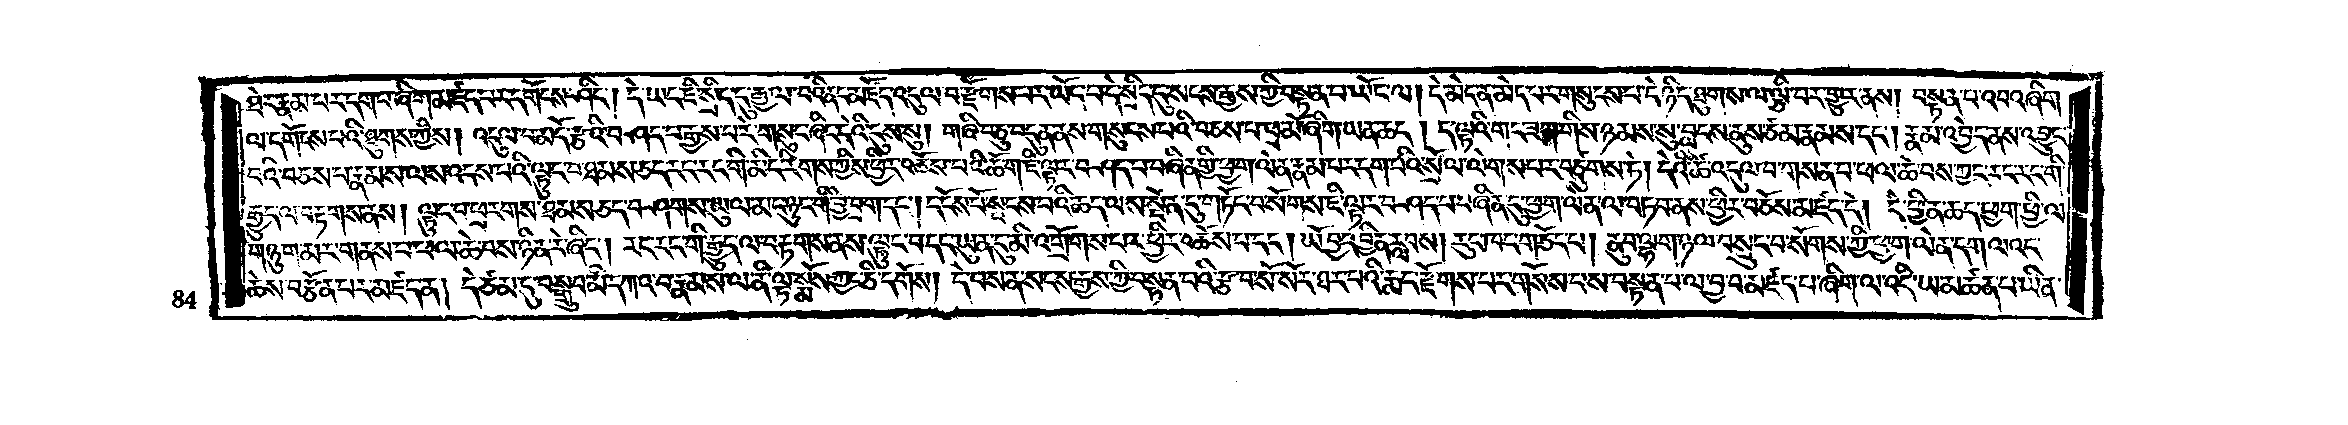ཐེར་རྣམ་པར་དག་པ་ཞིག་མཛད་པར་དགོངས་ཤིང་། དེ་ཡང་ཇི་སྲིད་དུ་རྒྱལ་བའི་ནང་མཛོད་འདུལ་བ་རྫོགས་པར་ཡོད་པ་དེ་སྲིད་དུ་སངས་རྒྱས་ཀྱི་བསྟན་པ་ཡོང་ལ། དེ་མེད་ན་མེད་པར་གསུངས་པ་དེ་ཉིད་ཐུགས་ལ་ལྕི་བར་གྱུར་ནས། བསྟན་པ་འབའ་ཞིག་
ལ་དགོངས་པའི་ཐུགས་ཀྱིས། འདུལ་བ་མདོ་རྩའི་བཤད་པ་རྒྱས་པར་གསུང་ཞིང་དེའི་དུས་སུ། གཞི་བཅུ་བདུན་ནས་གསུངས་པའི་བཅས་པ་ཕྲ་མོ་ཞིག་ཡན་ཆད། ད་ལྟའི་གང་ཟག་གིས་ཉམས་སུ་བླངས་ནུས་ཙམ་རྣམས་དང་། རྣམ་འབྱེད་ནས་འབྱུང་
བའི་བཅས་པ་རྣམས་ལས་འདས་པའི་ལྟུང་བ་ཐམས་ཅད་རང་རང་གི་མིང་རིགས་ཀྱིས་ཕྱིར་འཆོས་པའི་ཆོ་ག་ཇི་ལྟར་བཤད་པ་བཞིན་གྱི་ཕྱག་ལེན་རྣམ་པར་དག་པའི་སྲོལ་ལེགས་པར་བཙུགས་ཏེ། དེའི་ཚེ་འདུལ་བ་གསན་པ་ཕལ་ཆེ་བས་ཀྱང་རང་རང་གི་
རྒྱུད་ལ་བརྟགས་ནས། ལྟུང་བ་ཕྲ་རགས་ཐམས་ཅད་བཤགས་ཡུལ་མང་ཉུང་གི་བྱེ་བྲག་དང་། དངོས་པོ་སྤངས་པའི་ཆད་ལས་སྔོན་དུ་གཏོང་བ་སོགས་ཇི་ལྟར་བཤད་པ་བཞིན་དུ་ཕྱག་ལེན་ལ་བཏབ་ནས་ཕྱིར་བཅོས་མཛད་དེ། དེ་ཕྱིན་ཆད་ཕྱག་ཕྱི་ལ་
གཉུག་མར་གནས་པ་ཕལ་ཆེ་བས་ཉིན་རེ་ཞིན། རང་རང་གི་རྒྱུད་ལ་བརྟགས་ནས་ལྟུང་བ་དང་ཡུན་དུ་མི་འགྲོགས་པར་ཕྱིར་འཆོས་པ་དང་། ཡོ་བྱད་བྱིན་རླབས། རུང་ཁང་གཅོད་པ། ནུབ་ལྷག་ཉལ་བསྲུང་བ་སོགས་ཀྱི་ཕྱག་ལེན་དག་ལའང་
ཆེས་བརྩོན་པར་མཛད་ན། དེ་ཙམ་དུ་བསྒྲུབ་མི་དཀའ་བ་རྣམས་ལ་ནི་ལྟ་སྨོས་ཀྱང་ཅི་དགོས། དེ་བས་ན་སངས་རྒྱས་ཀྱི་བསྟན་པའི་རྩ་བ་སོ་སོར་ཐར་པའི་རྨད་རྫོགས་པར་གསོས་པས་བསྟན་པ་ལ་བྱ་བ་མཛད་པ་ཞིག་ལ་འདི་ཡ་མཚན་པ་ཡིན་